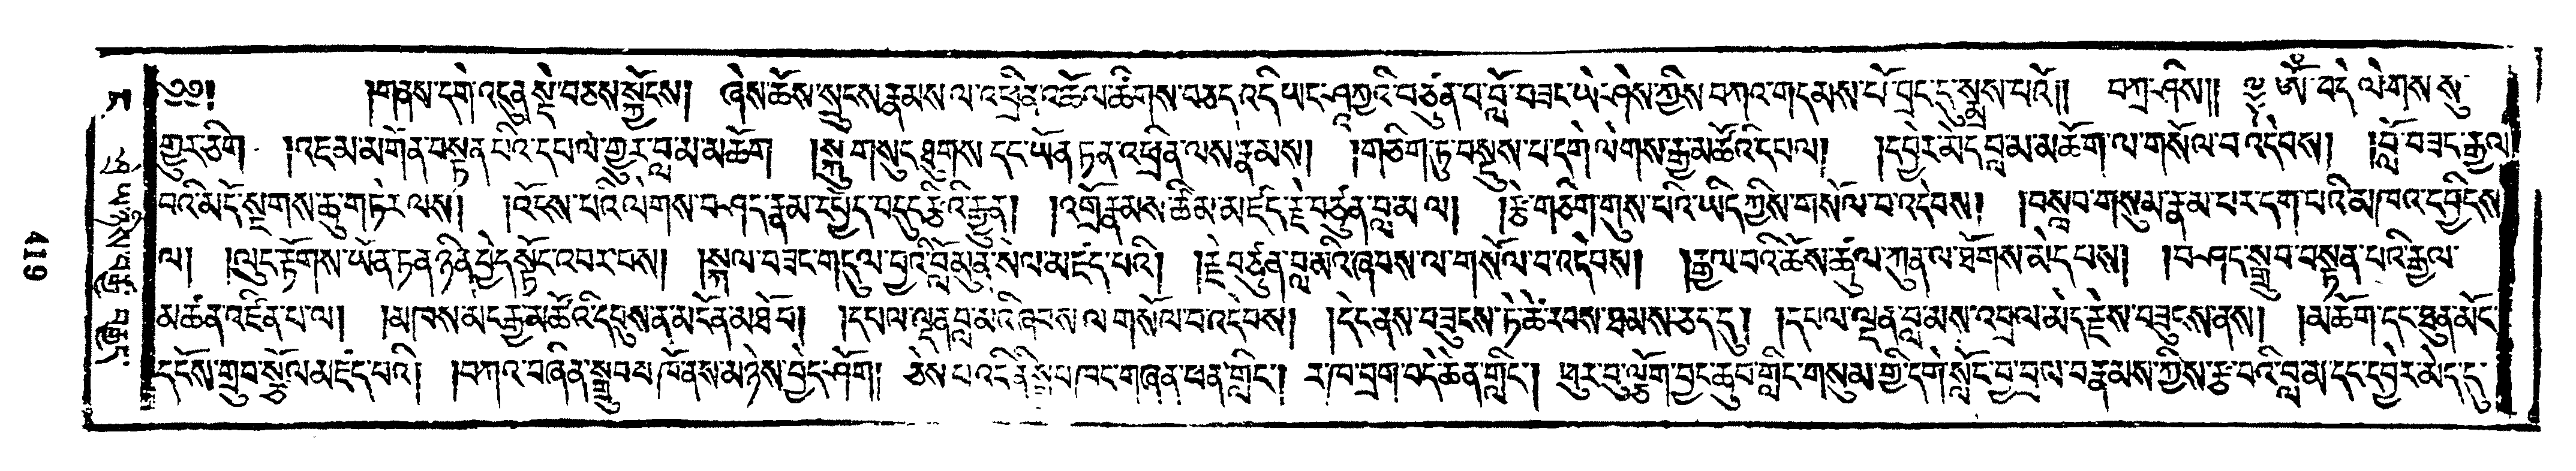༄༅། །གནས་དགེ་འདུན་སྡེ་བཅས་སྐྱོངས། ཞེས་ཆོས་སྲུངས་རྣམས་ལ་འཕྲིན་འཆོལ་ཚིགས་བཅད་འདི་ཡང་ཤཱཀྱའི་བཙུན་བ་བློ་བཟང་ཡེ་ཤེས་ཀྱིས་བཀའ་གདམས་པོ་བྲང་དུ་སྨྲས་པའོ།། བཀྲ་ཤིས།། ༈ ཨོཾ་བདེ་ལེགས་སུ་
གྱུར་ཅིག །འཇམ་མགོན་བསྟན་པའི་དཔལ་གྱུར་བླ་མ་མཆོག །སྐུ་གསུང་ཐུགས་དང་ཡོན་ཏན་འཕྲིན་ལས་རྣམས། །གཅིག་ཏུ་བསྡུས་པ་དགེ་ལེགས་རྒྱ་མཚོའི་དཔལ། །དབྱེར་མེད་བླ་མ་མཆོག་ལ་གསོལ་བ་འདེབས། །བློ་བཟང་རྒྱལ་
བའི་མདོ་སྔགས་ཆུ་གཏེར་ལས། །འོངས་པའི་ལེགས་བཤད་རྣམ་དཔྱོད་བདུད་བདུད་རྩིའི་རྒྱུན། །འགྲོ་རྣམས་ཚིམ་མཛད་རྗེ་བཙུན་བླ་མ་ལ། །རྩེ་གཅིག་གུས་པའི་ཡིད་ཀྱིས་གསོལ་བ་འདེབས། །བསླབ་གསུམ་རྣམ་པར་དག་པའི་མཁའ་དབྱིངས་
ལ། །ལུང་རྟོགས་ཡོན་ཏན་ཉིན་བྱེད་སྟོང་འབར་བས། །སྐལ་བཟང་གདུལ་བྱའི་བློ་མུན་སེལ་མཛད་པའི། །རྗེ་བཙུན་བླ་མའི་ཞབས་ལ་གསོལ་བ་འདེབས། །རྒྱལ་བའི་ཆོས་ཚུལ་ཀུན་ལ་ཐོགས་མེད་པས། །བཤད་སྒྲུབ་བསྟན་པའི་རྒྱལ་
མཚན་འཛིན་པ་ལ། །མཁས་མང་རྒྱ་མཚོའི་དབུས་ན་མངོན་མཐོ་བ། །དཔལ་ལྡན་བླ་མའི་ཞབས་ལ་གསོལ་བ་འདེབས། །དེང་ནས་བཟུངས་ཏེ་ཚེ་རབས་ཐམས་ཅད་དུ། །དཔལ་ལྡན་བླ་མས་འབྲལ་མེད་རྗེས་བཟུངས་ནས། །མཆོག་དང་ཐུན་མོང་
དངོས་གྲུབ་སྩོལ་མཛད་པའི། །བཀའ་བཞིན་སྒྲུབ་པ་ཁོ་ནས་མཉེས་བྱེད་ཤོག། ཅེས་པ་འདི་ནི་སྒྲུབ་ཁང་གཞན་ཕན་གླིང་། ར་ཁ་བྲག་བདེ་ཆེན་གླིང་། ཕུར་བུ་ལྕོག་བྱང་ཆུབ་གླིང་གསུམ་གྱི་དགེ་སློང་བྱ་བྲལ་བ་རྣམས་ཀྱིས་རྩ་བའི་བླ་མ་དང་དབྱེར་མེད་དུ་